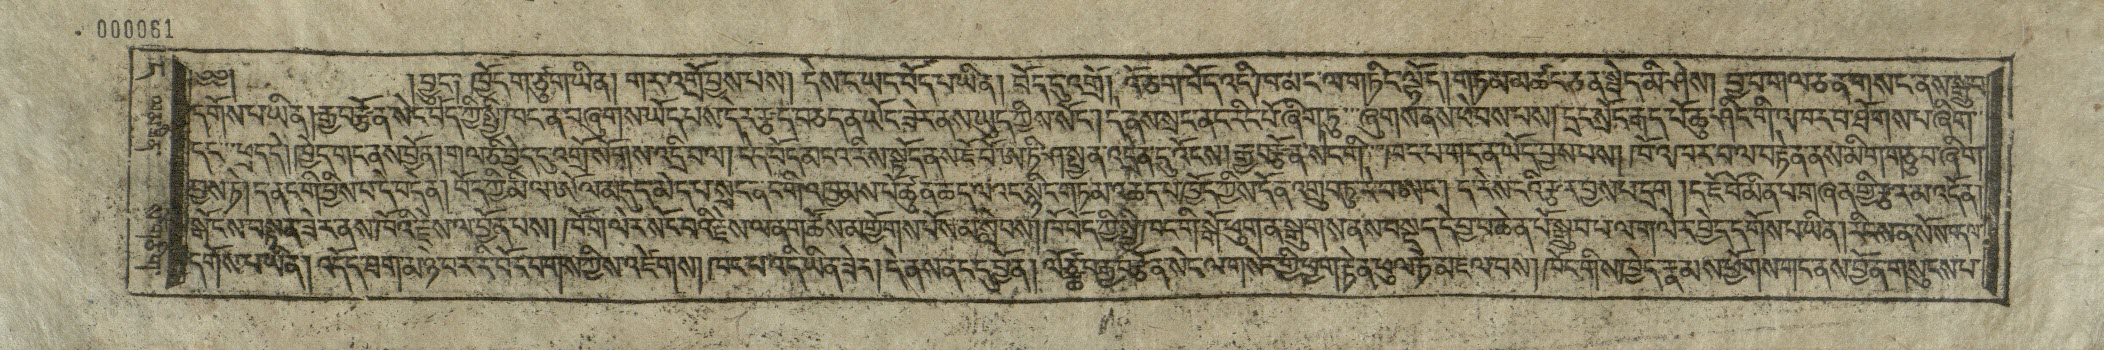༄༅། །བྱུང༑ ཁྱོད་ག་ཙུག་ཡིན། གར་འགྲོ་བྱས་པས། དེས་ང་ཡང་བོད་པ་ཡིན། བོད་དུ་འགྲོ། འོ་ཅག་བོད་འདི་ཁ་མང་ལ་གཏིང་ལྷོད། གཏམ་མཚང་ཅན་སྦེད་མི་ཤེས། བྱ་བ་གལ་ཅན་གསང་ནས་སྒྲུབ་
དགོས་པ་ཡིན། རྒྱ་བརྩོན་སེང་བོད་ཀྱི་སྤྱི་ཁང་ན་བཞུགས་ཡོད་པས་དེར་རྩད་བཅད་ན་ཡོང་ཟེར་ནས་ཡུད་ཀྱིས་སོང་། དེ་ནས་སྲང་ནང་རིང་པོ་ཞིག་ཏུ་ཞུགས་ནས་ཕེབས་པས། དྲང་སྲོང་རྒད་པོ་ཆུ་ཤིང་གི་འཁར་བ་ཐོགས་པ་ཞིག་
དང་ཕྲད་དེ། ཁྱེད་གང་ནས་བྱོན། གལ་ཅི་བྱེད་དུ་འགྲོ་སོགས་འདྲི་བ་ལ། ངེད་བོད་མངའ་རིས་སྟོད་ནས་ཇོ་བོ་ཨ་ཏི་ཤ་སྤྱན་འདྲེན་དུ་འོངས། རྒྱ་བརྩོན་སེང་གི་ཁང་པ་གང་ན་ཡོད་བྱས་པས། ཁོ་འཁར་བ་ལ་བརྟེན་ནས་མིག་གཅུ་བ་ཞིག་
བྱས་ཏེ། ད་ནང་གི་བྱིས་པ་དེ་བདེན། བོད་ཀྱི་མི་ལ་ཨོལ་མདུད་མེད་པ་སྲང་ནང་གི་འཁྱམས་པོ་ཚུན་ཆད་ལའང་སྙིང་གཏམ་འཆད་པ་ཁྱོད་ཀྱིས་དོན་འགྲུབ་ཏུ་རེ་བ་ཨང་། ད་རེས་ངའི་རྩར་བྱས་པ་དྲག །ད་ཇོ་བོ་མིན་པ་གཞན་གྱི་རྩར་མ་འདོན།
སྒོ་ངས་བསྟན་ཟེར་ནས་ཁོའི་རྗེས་ལ་བྱོན་པས། ཁོ་ག་ལེར་སོང་བའི་རྗེས་ལ་ནག་ཚོས་མགྱོགས་པོས་མ་སླེབས། ཁོ་བོད་ཀྱི་སྤྱི་ཁང་གི་སྒོ་ཕུག་ན་སྒུགས་ནས་བསྡད་དེ་བྱ་བ་ཆེན་པོ་སྒྲུབ་པ་ལ་ག་ལེར་བྱེད་དགོས་པ་ཡིན། རིངས་ན་སོས་བདལ་
དགོས་པ་ཡིན། འདོད་ཐག་མ་ཉེ་བར་རི་བོར་བགས་ཀྱིས་འཛེགས། ཁང་པ་འདི་ཡིན་ཟེར། དེ་ནས་ནང་དུ་བྱོན། ལོ་ཙྪ་བ་རྒྱ་བརྩོན་སེང་ལ་གསེར་གྱི་ཕྱག་རྟེན་ཕུལ་ཏེ་མཇལ་བས། ཁོང་གིས་ཁྱེད་རྣམས་ཕྱོགས་གང་ནས་བྱོན་གསུངས་པ་